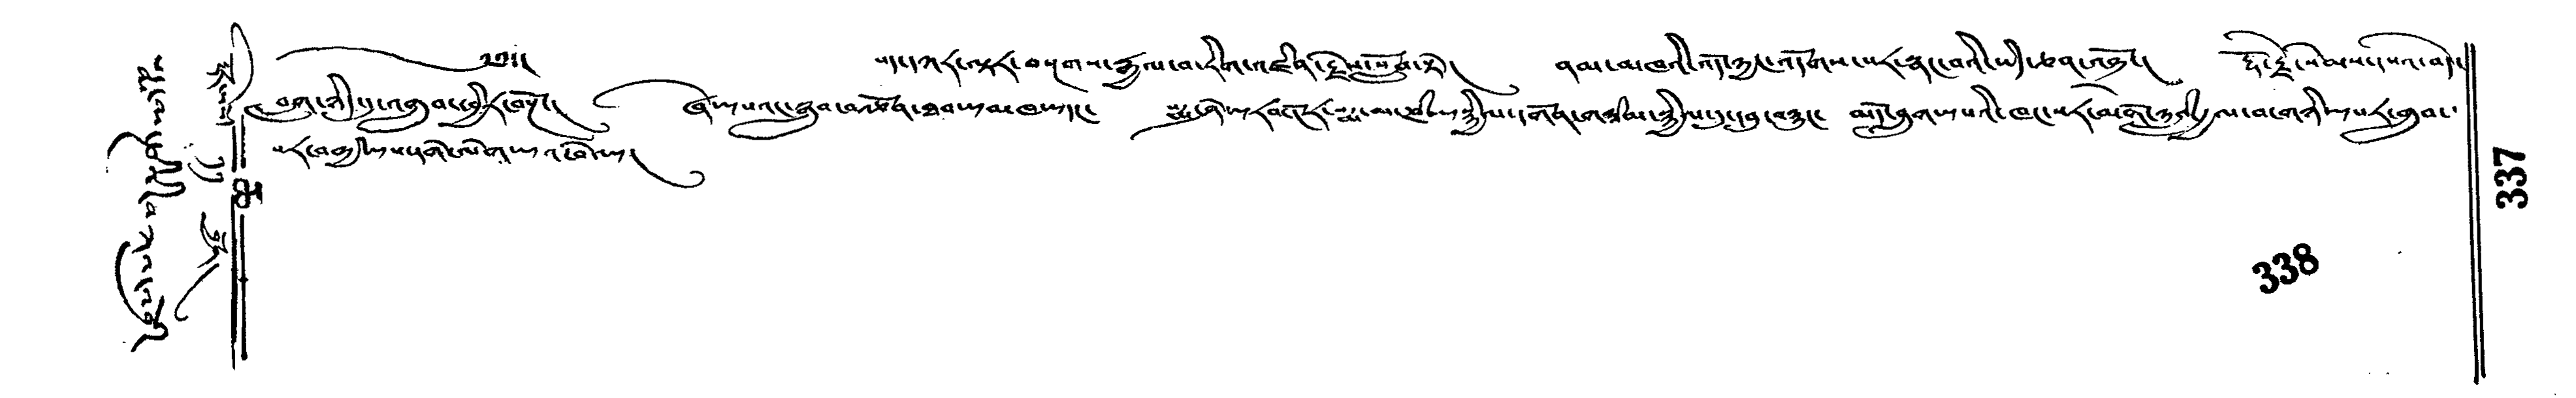།པད་དཀར་ལྟར་བསྔགས་རྒྱལ་བ་རིག་འཛིན་རྗེས་བསླབ་སྟེ། །ནམ་མཁའི་འོད་ཀྱང་འགོག་པར་སྣང་བའི་ཡིད་ཅན་འགྲོ། །རྡོ་རྗེ་སེམས་དཔའ་བདེ་
བླག་ཉིད་དུ་འགྲུབ་ཕྱིར་བསྔོ།། །ཞེས་པའང་སྒྲུབ་བརྩོན་ཐབས་མཁས་དང་། །པདྨ་ཤེས་རབ་ཀྱི་ངོར་པདྨ་མ་ཎིས་སྐྱིལ་དགོན་གཟིམ་སྤྱིལ་དུ་དབུ་བཟུང་། །མདོ་ཤུགས་པའི་ཁང་པར་མགོ་ཟླའི་རྒྱལ་བ་གཉིས་པར་གྲུབ་
པར་བགྱིས་པ་དགེ་ལེགས་འཕེལ།།